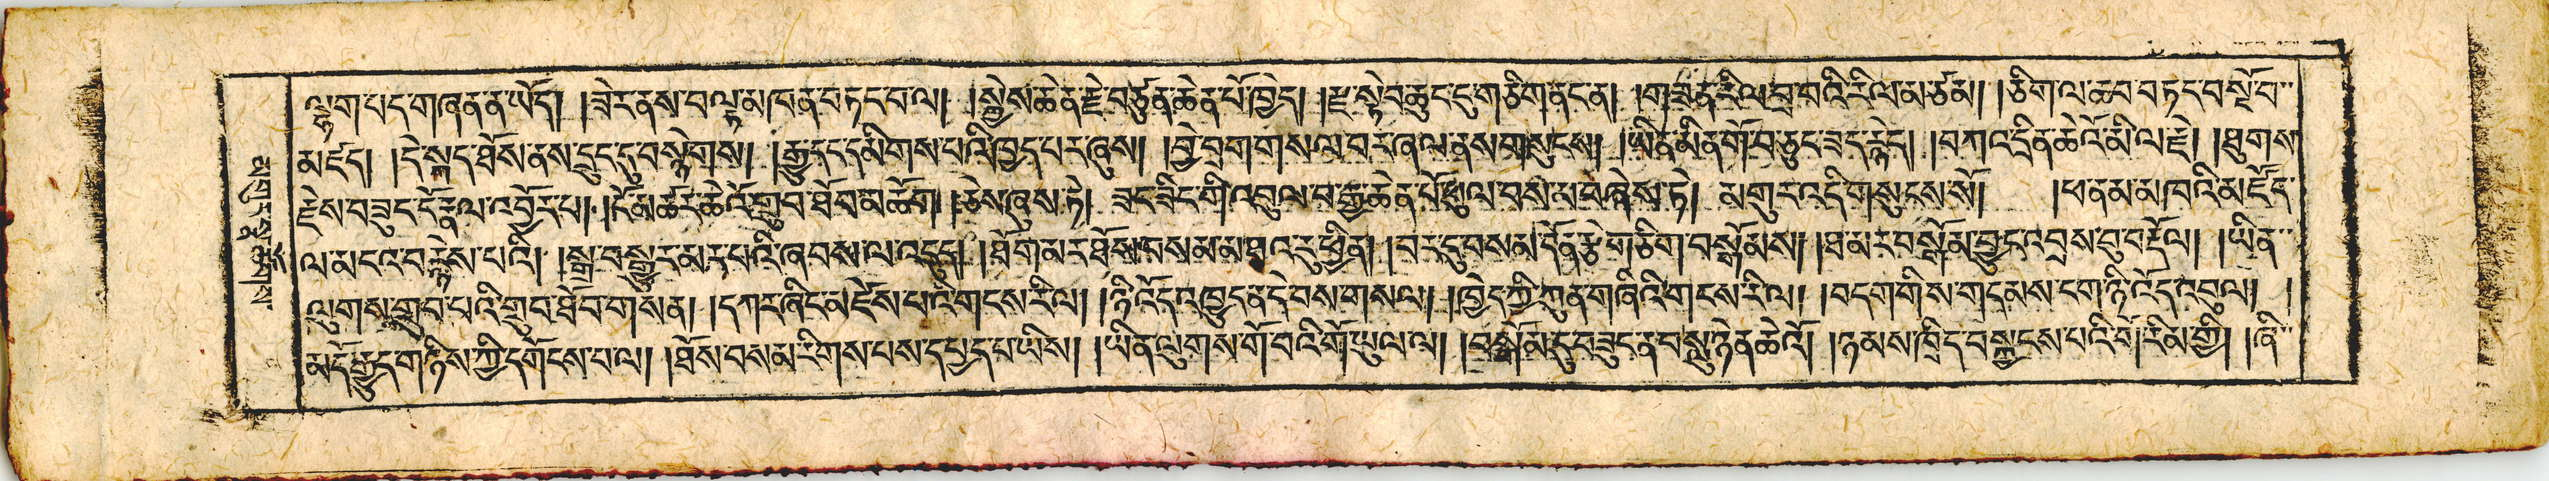ལྷག་པ་གཞན་ན་ཡོད། །ཟེར་ནས་བལྟ་མཁན་བཏང་བ་ལ། །སྐྱེས་ཆེན་རྗེ་བཙུན་ཆེན་པོ་ཁྱེད། །རྫ་སྟེབ་ཆུང་ངུ་གཅིག་ནང་ན། །གཟན་རིལ་བྲ་བའི་རིལ་མ་ཙམ། །ཅིག་ལ་ཆབ་བཏང་བསྔོ་བ་
མཛད། །དེ་སྐད་ཐོས་ནས་དྲུང་དུ་བསྙེགས། །རྒྱུ་དང་དམིགས་པའི་ཁྱད་པར་ཞུས། །བྱེ་བྲག་གསལ་བར་ཞལ་ནས་གསུངས། །ཡིན་མིན་གོ་བ་ཅུང་ཟད་རྙེད། །བཀའ་དྲིན་ཆེའོ་མི་ལ་རྗེ། །ཐུགས་
རྗེས་བཟུང་ངོ་རྣལ་འབྱོར་པ། །ངོ་མཚར་ཆེའོ་གྲུབ་ཐོབ་མཆོག །ཅེས་ཞུས་ཏེ། ཟང་ཟིང་གི་འབུལ་བ་རྒྱ་ཆེན་པོ་ཕུལ་བས་མ་བཞེས་ཏེ། མགུར་འདི་གསུངས་སོ། །ཕ་ནམ་མཁའི་མཛོད་
ལ་མངའ་བརྙེས་པའི། །སྒྲ་བསྒྱུར་མར་པའི་ཞབས་ལ་འདུད། །ཐོག་མར་ཐོས་བསམ་མཐའ་རུ་ཕྱིན། །བར་དུབསམ་དོན་རྩེ་གཅིག་བསྒོམས། །ཐ་མར་བསྒོམ་བྱུང་འབྲས་བུ་བརྡོལ། །ཡིན་
ལུགས་གྲུབ་པའི་གྲུབ་ཐོབ་གསན། །དཀར་ཞིང་མཛེས་པའི་གངས་རི་ལ། །ཉི་འོད་འཁྱུད་ན་དེ་བས་གསལ། །ཁྱེད་ཀྱི་ཀུན་གཞིའི་གངས་རི་ལ། །བདག་གིས་གདམས་ངག་ཉི་འོད་འབུལ། །
མདོ་རྒྱུད་གཉིས་ཀྱི་དགོངས་པ་ལ། །ཐོས་བསམ་རིགས་པས་དཔྱད་པ་ཡིས། །ཡིན་ལུགས་གོ་བའི་གོ་ཡུལ་ལ། །བསྒོམ་དུབཟུང་ན་བསྐུ་ཉེན་ཆེའོ། །ཉམས་ཁྲིད་བསྐྱངས་པའི་གོ་རིམ་གྱི། །ཞི་